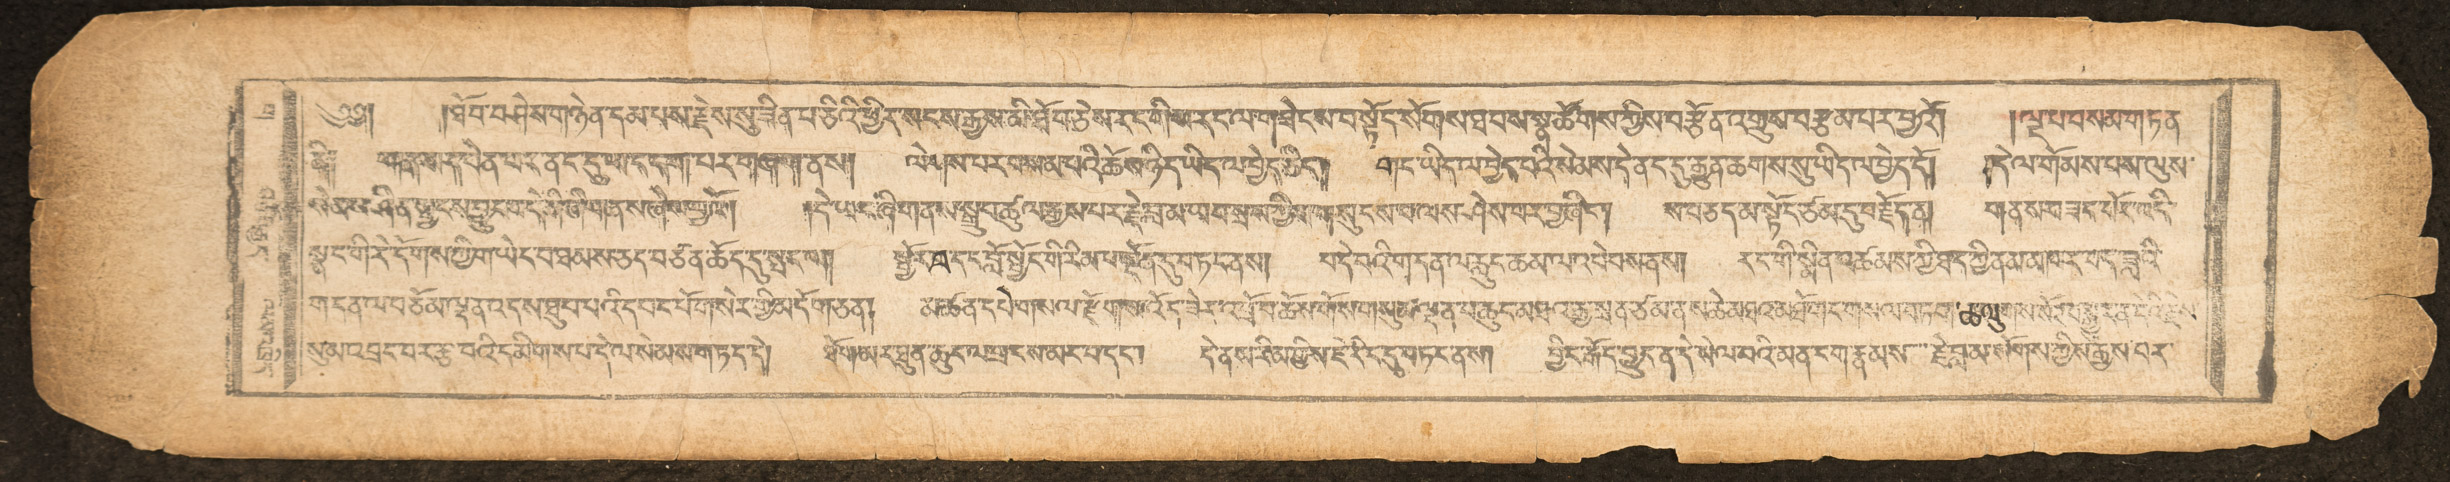༄༅། །ཐོབ་བཤེས་གཉེན་དམ་པས་རྗེས་?་སིན་པ་ཅིའི་ཕྱིར་སངས་རྒྱས་མི་ཐོབ་ཅེས་རང་གིས་?་?་?་ལ་སྟོད་སོགས་ཐབས་སྣ་ཚོགས་ཀྱིས་བརྩེན་འགྲུས་བརྩམ་པར་བྱའོ། །ལྔ་?་བསམ་གཏན་
ནི༑ གནས་དབེན་པར་ནང་དུ་ཡང་དག་པར་གཞག་ནས། ལེགས་པར་བསམ་པའི་ཆོས་ཉིད་ཡིད་ལ་བྱེད་ཅིང་། གང་ཡིད་ལ་བྱེད་པའི་སེམས་དེ་ནང་དུ་རྒྱུན་ཆགས་སུ་ཡིད་ལ་བྱེད་དོ། །དེ་ལ་གོམས་པས་ལུས་
སེམས་ཤིན་སྦྱངས་བྱུང་བ་དེ་ནི་ཞིག་ནས་ཞེས་བྱའོ། །དེ་ཡང་ཞི་གནས་སྒྲུབ་ཚུལ་རྒྱས་པར་རྗེ་བླ་མ་ཡབ་སྲས་ཀྱིས་གསུངས་པ་ལས་ཤེས་པར་བྱ་ཞིང་། ས་བཅད་མ་སྟོང་ཙམ་དུ་བརྗོད་ན། གནས་བཟང་པོར་འདི་
སྣང་གི་རེ་དོགས་ཀྱི་གཡེང་བ་ཐམས་ཅད་བཙན་ཆོད་དུ་སྤང་ལ། སྦྱོར་པ་དང་བློ་སྦྱོང་གི་རིམ་པ་སྔོན་དུ་བཏང་ནས། བདེ་བའི་གདན་ལ་རླུང་ཆམ་ལ་འབེབས་ནས། རང་གི་སྨིན་འཚམས་ཀྱི་ཐད་ཀྱི་ནམ་མཁར་པད་ཟླའི་
གདན་ལ་བཅོམ་ལྡན་འདས་ཐུབ་པའི་དབང་པོ་གསེར་གྱི་མདོག་ཅན། མཚན་དཔེ་གསལ་རྫོགས་འོད་ཟེར་འཕྲོ་བ་ཆོས་གོས་གསུམ་ལྡན་པ་ཆུང་མཐའ་རྒྱ་སྲན་ཙམ་ནས་ཆེ་མཐའ་མཐོ་གང་གསལ་བཏབ། ཆ་ལུགས་སོཊ་བསྒྱུར་ན་དེའི་རྗེས་
སུམ་བཟང་བ་?་བའི་དམིགས་པ་དེ་ལ་སེམས་གཏད་དེ། ཐོག་མར་ཐུན་ཆུང་ལ་གྲངས་མང་བ་དང་། དེ་ནས་རིམ་གྱིས་ཇེ་རིང་དུ་བཏང་ནས། བྱིང་རྒོད་བྱུང་ན་དེ་སེལ་བའི་མན་ངག་རྣམས་རྗེ་བླ་མ་སོགས་ཀྱིས་རྒྱས་པར་